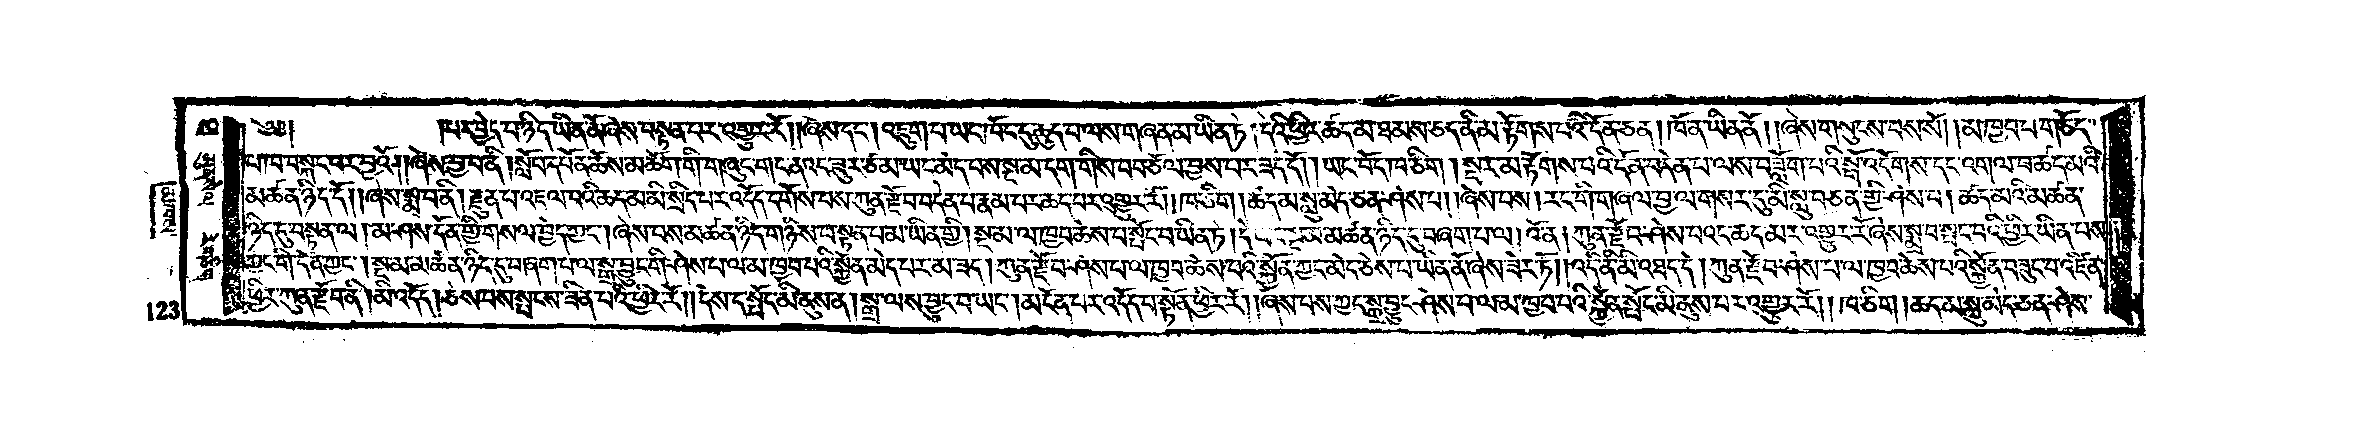༄༅། །པར་བྱེད་པ་ཉིད་ཡིན་ནོ་ཞེས་བསྟན་པར་འགྱུར་རོ། །ཞེས་དང་། འཇུག་པ་ཡང་ཁོང་དུ་ཆུད་པ་ལས་གཞན་མ་ཡིན་ཏེ། དའི་ཕྱིར་ཚད་མ་ཐམས་ཅད་ནི་མ་རྟོགས་པའི་དོན་ཅན། ཁོ་ན་ཡིན་ནོ། །ཞེས་གསུངས་པས་སོ། །མ་ཁྱབ་པ་གཅོད་
པ་ཁ་བསྐང་བར་བྱའོ། །ཞེས་བྱ་བ་ནི། སློབ་དཔོན་ཆོས་མཆོག་གི་གཞུང་གང་ནའང་ཟུར་ཙམ་ཡང་མེད་པས་སྔ་མ་དག་གིས་བ་བཅོལ་བྱས་པར་ཟད་དོ། །ཡང་བོད་ཁ་ཅིག །སྔར་མ་རྟོགས་པའི་དོན་བདེན་པ་ལས་བཟློག་པའི་སྒྲོ་འདོགས་དང་འགལ་བ་ཚད་མའི་
མཚན་ཉིད་དོ། །ཞེས་སྨྲ་བ་ནི། རྫུན་པ་འཇལ་བའི་ཚད་མ་མི་སྲིད་པར་འདོད་དགོས་པས་ཀུན་རྫོབ་བདེན་པ་རྣམ་པར་ཆད་པར་འགྱུར་རོ། །ཁ་ཅིག །ཚད་མ་སླུ་མེད་ཅན་ཤེས་པ། །ཞེས་པས། རང་གི་གཞལ་བྱ་ལ་གསར་དུ་མི་སླུ་བཅན་གྱི་ཤེས་པ། ཚད་མའི་མཚན་
ཉིད་དུ་བསྟན་ལ། མ་ཤས་དོན་གྱི་གསལ་བྱེད་ཀྱང་། ཞས་པས་མཚན་ཉིད་གཉིས་པ་སྟན་པ་མ་ཡིན་གྱི། སྔ་མ་ལ་ཁྱབ་ཆེས་པ་སྤོང་བ་ཡིན་ཏེ། དེ་ཡང་སྔ་མ་མཚན་ཉིད་དུ་བཞག་པ་ལ། འོ་ན། ཀུན་རྫོབ་ཤེས་པའང་ཚད་མར་འགྱུར་རོ་ཞེས་སྨྲ་བ་སྤང་བའི་ཕྱིར་ཡིན་པས་
ཀྱང་གི་དོན་ཀྱང་། སྔ་མ་མཚན་ཉིད་དུ་བཞག་པ་ལ་སྒྲ་བྱུང་གི་ཤེས་པ་ལ་མ་ཁྱབ་པའི་སྐྱོན་མེད་པར་མ་ཟད། ཀུན་རྫོབ་ཤེས་པ་ལ་ཁྱབ་ཆེས་པའི་སྐྱོན་ཀྱང་མེད་ཅེས་པ་ཡིན་ནོ་ཞེས་ཟེར་ཏོ། །འདི་ནི་མི་འཐད་དེ། ཀུན་རྫོབ་ཤེས་པ་ལ་ཁྱབ་ཆེས་པའི་སྐྱོན་བཟུང་བ་འཛིན་
ཕྱིར་ཀུན་རྫོབ་ནི། མི་འདོད། ཅེས་པས་སྤངས་ཟིན་པའི་ཕྱིར་རོ། །དེས་ད་སྤོང་མི་ནུས་ན། སྒྲ་ལས་བྱུང་བ་ཡང་། མངོན་པར་འདོད་པ་སྟོན་ཕྱིར་རོ། །ཞེས་པས་ཀྱང་སྒྲ་བྱུང་ཤེས་པ་ལ་མ་ཁྱབ་པའི་སྐྱོན་སྤོང་མི་ནུས་པར་འགྱུར་རོ། །ཁ་ཅིག །ཚད་མ་སླུ་མེད་ཅན་ཤེས་